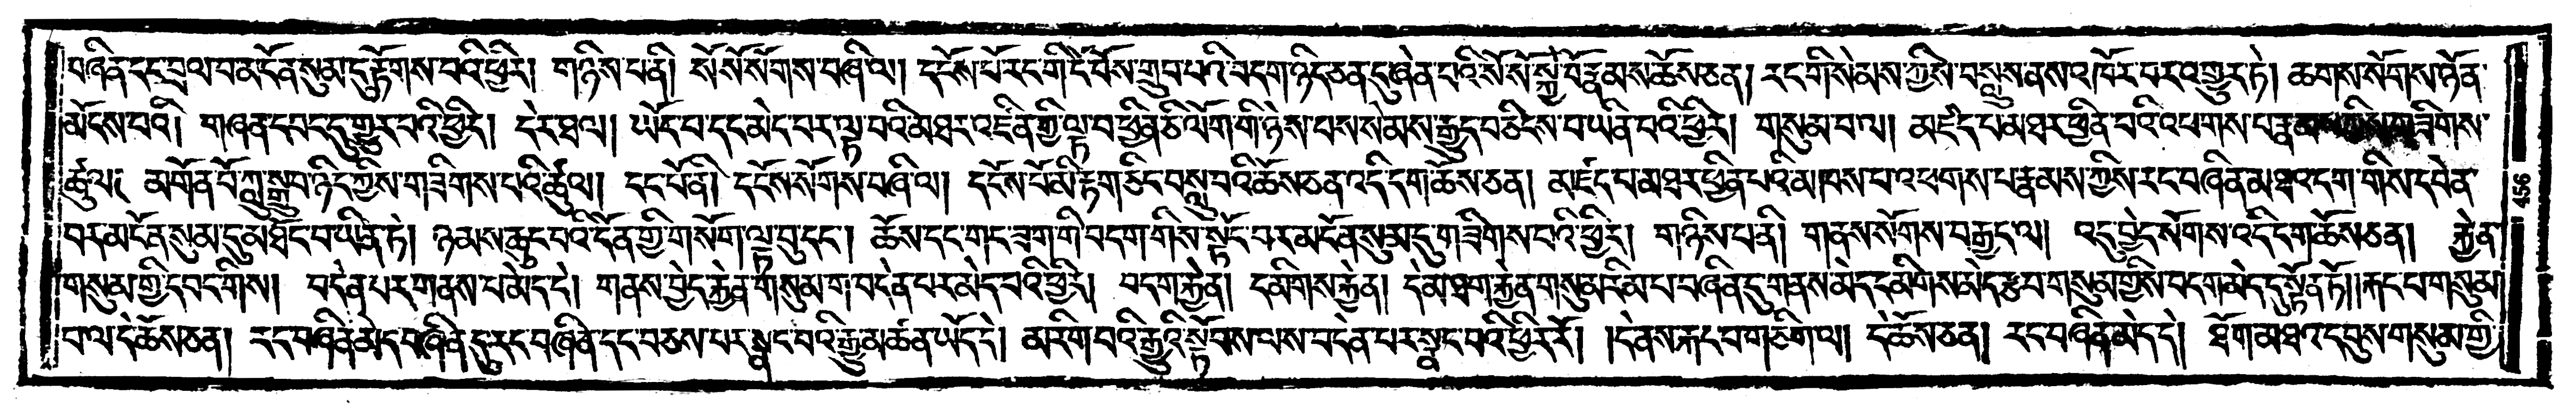བཞིན་དང་བྲལ་བ་མངོན་སུམ་དུ་རྟོགས་པའི་ཕྱིར། གཉིས་པ་ནི། སོ་སོ་སོགས་བཞི་ལ། དངོས་པོ་རང་གི་ངོ་བོས་གྲུབ་པའི་བདག་ཉིད་ཅན་དུ་ཞེན་པའི་སོ་སོ་སྐྱེ་བོ་རྣམས་ཆོས་ཅན། རང་གི་སེམས་ཀྱིས་བསླུས་ནས་འཁོར་བར་འགྱུར་ཏེ། ཆགས་སོགས་ཉོན་
མོངས་པའི། གཞན་དབང་དུ་གྱུར་པའི་ཕྱིར། དེར་ཐལ། ཡོད་པ་དང་མེད་པར་ལྟ་བའི་མཐར་འཛིན་གྱི་ལྟ་བ་ཕྱིན་ཅི་ལོག་གི་ཉེས་པས་སེམས་རྒྱུད་བཅིངས་པ་ཡིན་པའི་ཕྱིར། གསུམ་པ་ལ། མཛད་པ་མཐར་ཕྱིན་པའི་འཕགས་པ་རྣམས་ཀྱིས་གཟིགས་
ཚུལ། མགོན་པོ་ཀླུ་སྒྲུབ་ཉིད་ཀྱིས་གཟིགས་པའི་ཚུལ། དང་པོ་ནི། དངོས་སོགས་བཞི་ལ། དངོས་པོ་མི་རྟག་ཅིང་བསླུ་བའི་ཆོས་ཅན་འདི་དག་ཆོས་ཅན། མཛད་པ་མཐར་ཕྱིན་པའི་མཁས་པ་འཕགས་པ་རྣམས་ཀྱིས་རང་བཞིན་མཐའ་དག་གིས་དབེན་
པར་མངོན་སུམ་དུ་མཐོང་བ་ཡིན་ཏེ། ཉམས་ཆུང་བའི་དོན་གྱི་གསོག་ལྟ་བུ་དང་། ཆོས་དང་གང་ཟག་གི་བདག་གིས་སྟོང་པར་མངོན་སུམ་དུ་གཟིགས་པའི་ཕྱིར། གཉིས་པ་ནི། གནས་སོགས་བརྒྱད་ལ། འདུ་བྱེད་སོགས་འདི་དག་ཆོས་ཅན། རྐྱེན་
གསུམ་གྱི་དབང་གིས། བདེན་པར་གནས་པ་མེད་དེ། གནས་བྱེད་རྐྱེན་གསུམ་ག་བདེན་པར་མེད་པའི་ཕྱིར། བདག་རྐྱེན། དམིགས་རྐྱེན། དེ་མ་ཐག་རྐྱེན་གསུམ་རིམ་པ་བཞིན་དུ་གནས་མེད་དམིགས་མེད་རྩ་བ་གསུམ་གྱིས་བདག་མེད་དུ་སྟོན་ཏོ། །རྐང་པ་གསུམ་
པ་ལ་དེ་ཆོས་ཅན། རང་བཞིན་མེད་བཞིན་དུ་རང་བཞིན་དང་བཅས་པར་སྣང་བའི་རྒྱུ་མཚན་ཡོད་དེ། མ་རིག་པའི་རྒྱུའི་སྟོབས་ལས་བདེན་པར་སྣང་བའི་ཕྱིར་རོ། །དེ་ནས་རྐང་པ་གཅིག་ལ། དེ་ཆོས་ཅན། རང་བཞིན་མེད་དེ། ཐོག་མཐའ་དབུས་གསུམ་གྱི་